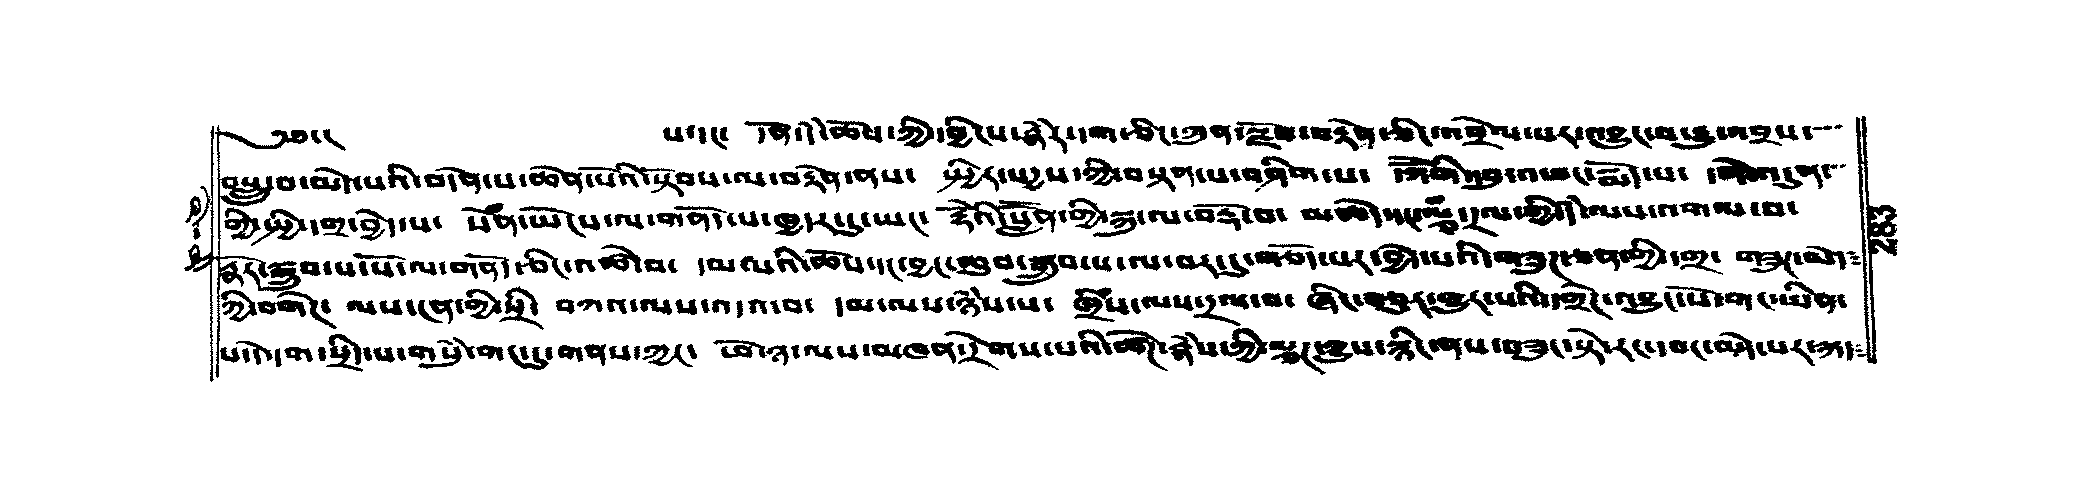པ་དང་། དོན་དམ་ཆོས་ཀྱི་དབྱིངས་རྣམ་དག་ཅིང་ཀུན་རྫོབ་བརྟེན་ཅིང་འབྲེལ་པར་འབྱུང་བ་རྒྱུ་འབྲས་
བསླུ་བ་མེད་པའི་བདེན་པ་ཆེན་པོའི་སྟོབས་ལ་བརྟེན་ནས་། སྤྱིར་སངས་རྒྱས་ཀྱི་བསྟན་པ་བཤིག་པ། དཀོན་མཆོག་གི་དབུ་འཕང་སྨོད་པ། དགེ་འདུན་
གྱི་སྤྱི་དགྲ་བྱེད་པ། སེམས་ཅན་ཡོངས་ལ་གནོད་པ་ཁྱད་པར་དུ་ཡང་རྡོ་རྗེ་སློབ་དཔོན་གྱི་སྐུ་ལ་བསྡོ་བ། མཆེད་དག་ལྕམ་དྲལ་གྱི་དམ་ལས་འགལ་བ། 
རྣལ་འབྱོར་སྒྲུབ་པ་པོ་ལ་གནོད་ཅིང་འཚེ་བ། དམ་པའི་ཆོས་དང་བྱང་ཆུབ་སྒྲུབ་པ་ལ་བར་དུ་གཅོད་པར་བྱེད་པའི་གཟུགས་ཅན་གྱི་དགྲ་གཟུགས་མེད་
ཀྱི་བགེགས། ལས་ངན་གྱི་སྲི། བཀའ་ལས་འདའ་བ། དམ་ལས་ཉམས་པ། ཁྲིམས་ལས་དྲལ་བ། ཞིང་བཅུར་གྱུར་པའི་དགྲ་བགེགས་འབྱུང་པོ་གང་ཡིན་
པ་དེ་དག་སྲིད་པ་གསུམ་གང་དུ་གནས་ཀྱང་། ཕོ་ཉ་ལས་མཁན་དྲེགས་པའི་ཚོགས་རྣམས་ཀྱི་ལྕགསཀྱུས་སྙིང་ནས་བཟུང་སྟེ་རངདབང་མེདཔར་སྐད་